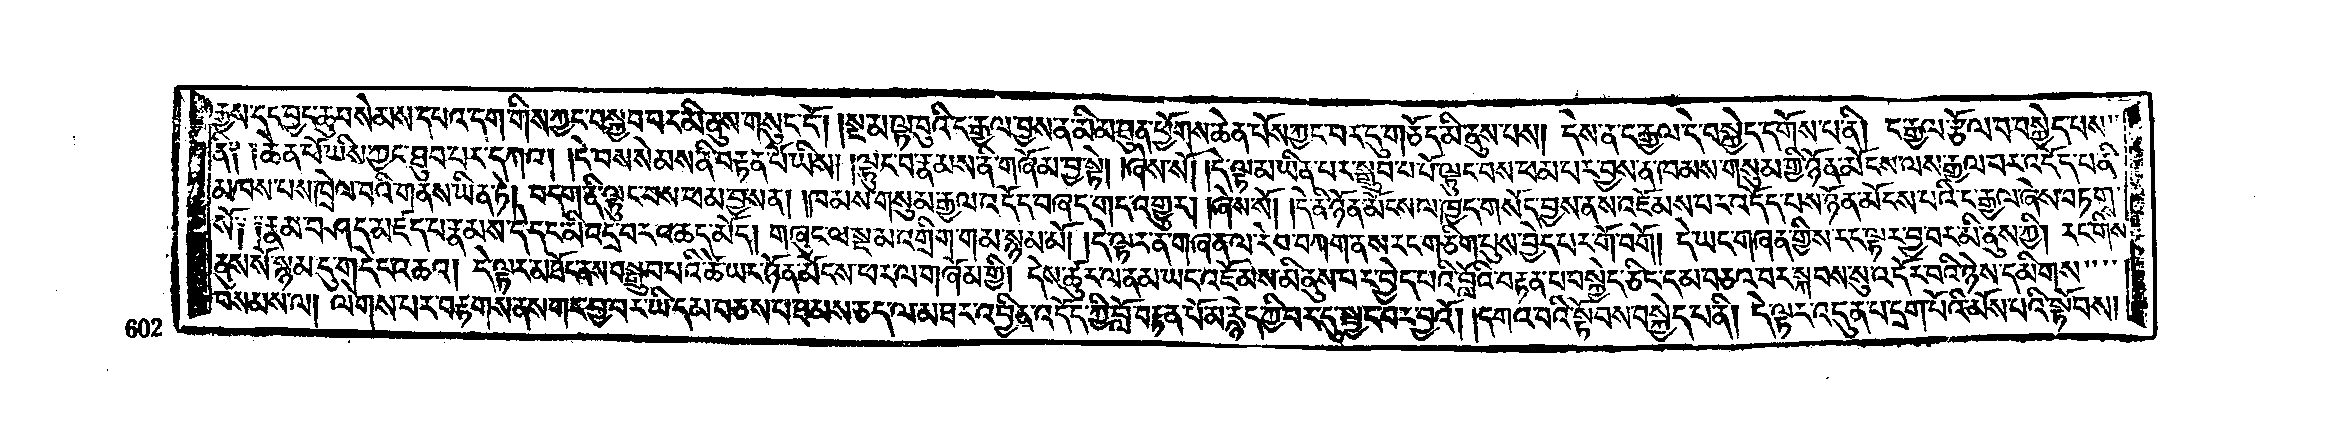རྒྱས་དང་བྱང་ཆུབ་སེམས་དཔའ་དག་གིས་ཀྱང་བསྐྱབ་པར་མི་ནུས་གསུང་ངོ། །སྔ་མ་ལྟ་བུའི་ང་རྒྱལ་བྱས་ན་མི་མཐུན་ཕྱོགས་ཆེན་པོས་ཀྱང་བར་དུ་གཅོད་མི་ནུས་པས། དེས་ན་ང་རྒྱལ་དེ་བསྐྱེད་དགོས་པ་ནི། ང་རྒྱལ་རྩོལ་བ་བསྐྱེད་པས་
ནི༑ ༑ཆེན་པོ་ཡིས་ཀྱང་ཐུབ་པར་དཀའ། །དེ་བས་སེམས་ནི་བརྟན་པོ་ཡིས། །ལྟུང་བ་རྣམས་ནི་གཞོམ་བྱ་སྟེ། །ཞེས་སོ། །དེ་ལྟ་མ་ཡིན་པར་སྒྲུབ་པ་པོ་ལྟུང་བས་ཕམ་པར་བྱས་ན་ཁམས་གསུམ་གྱི་ཉོན་མོངས་ལས་རྒྱལ་བར་འདོད་པ་ནི་
མཁས་པས་ཁྲེལ་བའི་གནས་ཡིན་ཏེ། བདག་ནི་ལྟུང་བས་ཕམ་བྱས་ན། །ཁམས་གསུམ་རྒྱལ་འདོད་བཞད་གད་འགྱུར། །ཞེས་སོ། །དེ་ནི་ཉོན་མོངས་ལ་ཁྱད་གསོད་བྱས་ནས་འཇོམས་པར་འདོད་པས་ཉོན་མོངས་པའི་ང་རྒྱལ་ཞེས་བཏགས་
སོ༑ ༑རྣམ་བཤད་མཛད་པ་རྣམས་དེ་དང་མི་འདྲ་བར་འཆད་མོད། གཞུང་ལ་སྔ་མ་འགྲིག་གམ་སྙམ་མོ། །དེ་ལྟར་ན་གཞན་ལ་རེ་བ་བཀག་ནས་རང་གཅིག་པུས་བྱེད་པར་གོ་བགོ། དེ་ཡང་གཞན་གྱིས་རང་ལྟར་བྱ་བར་མི་ནུས་ཀྱི། རང་གིས་
ནུས་སོ་སྙམ་དུ་གདེང་འཆའ། དེ་ལྟར་མཐོང་ནས་བསྒྲུབ་པའི་ཚེ་ཡང་ཉོན་མོངས་ཕར་ལ་གཞོམ་གྱི། དེས་ཚུར་ལ་ནམ་ཡང་འཇོམས་མི་ནུས་པར་བྱེད་པའི་བློའི་བརྟན་པ་བསྐྱེད་ཅིང་དམ་བཅའ་བར་སྐབས་སུ་འདོར་བའི་ཉེས་དམིགས་
བསམས་ལ། ལེགས་པར་བརྟགས་ནས་གང་བྱ་བར་ཡི་དམ་བཅས་པ་ཐམས་ཅད་ལ་མཐར་འབྱིན་འདོད་ཀྱི་བློ་བརྟན་པོ་མ་རྙེད་ཀྱི་བར་དུ་སྦྱང་བར་བྱའོ། །དགའ་བའི་སྟོབས་བསྐྱེད་པ་ནི། དེ་ལྟར་འདུན་པ་དྲག་པོའི་མོས་པའི་སྟོབས་